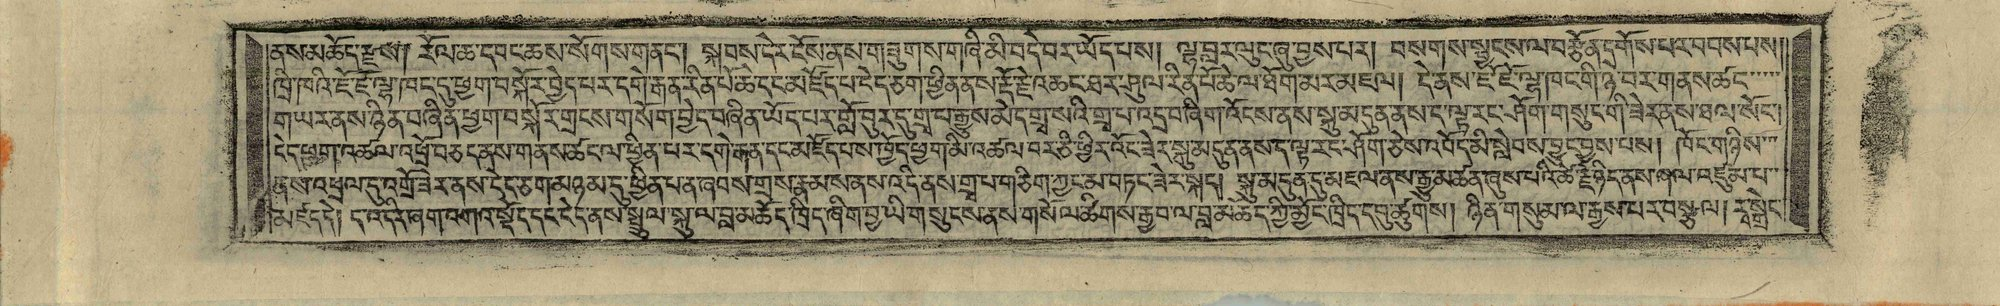ནས་མཆོད་རྫས། རོལ་ཆ་དབང་ཆས་སོགས་གནང་། སྐབས་དེར་ངོས་ནས་གཟུགས་གཞི་མི་བདེ་བར་ཡོད་པས། ལྷ་བླར་ལུང་ཞུ་བྱས་པར། བསགས་སྦྱངས་ལ་བརྩོན་དགོས་པར་བབས་པས།
ཁྲི་ཁའི་ཇོ་ཇོ་ལྷ་ཁང་དུ་ཕྱག་བསྐོར་བྱེད་པར་དགེ་རྒན་རིན་པོ་ཆེ་དང་མཛོད་པ་ངེད་ཅག་ཕྱིན་ནས་རྡོ་རྗེ་འཆང་ཐར་ཤུལ་རིན་པོ་ཆེ་ལ་ཐོག་མར་མཇལ། དེ་ནས་ཇོ་ཇོ་ལྷ་ཁང་གི་ཉེ་བར་གནས་ཚང་
གཡར་ནས་ཉིན་བཞིན་ཕྱག་བསྐོར་གྲངས་གསོག་བྱེད་བཞིན་ཡོད་པར་གློ་བུར་དུ་གྲྭ་པ་རྒྱུས་མེད་གྲྭ་སའི་གྲྭ་པ་འདྲ་བ་ཞིག་འོངས་ནས་སྐུ་མདུན་ནས་ད་ལྟ་རང་ཤོག་གསུང་གི་ཟེར་ནས་ཐལ་སོང་།
ངེད་ཕྱག་འཚལ་འཕྲོ་བཅད་ནས་གནས་ཚང་ལ་ཕྱིན་པར་དགེ་རྒན་དང་མཛོད་པས་ཁྱོད་ཕྱག་མི་འཚལ་བར་ཅི་ཕྱིར་འོང་ཟེར་སྐུ་མདུན་ནས་ད་ལྟ་རང་ཤོག་ཅེས་འབོད་མི་སླེབས་བྱུང་བྱས་པས། ཁོང་གཉིས་
ནས་འཕྲལ་དུ་འགྲོ་ཟེར་ནས་ངེད་ཅག་མཉམ་དུ་ཕྱིན་པ་ན་ཞབས་གྲས་རྣམས་ནས་འདི་ནས་གྲྭ་པ་གཅིག་ཀྱང་མ་བཏང་ཟེར་སྐད། སྐུ་མདུན་དུ་མཇལ་ནས་རྒྱུ་མཚན་ཞུས་པའི་ཚེ་རྗེ་ཉིད་ནས་ཞལ་འཛུམ་པ་
མཛད་དེ། ང་འདིར་ཞག་འགའ་སྡོང་དང་ངེད་ནས་སྤྲུལ་སྐུ་ལ་བླ་མཆོད་ཁྲིད་ཞིག་བྱ་ཡི་གསུངས་ནས་གསོལ་ཚིགས་རྒྱབ་ལ་བླ་མཆོད་ཀྱི་མྱོང་ཁྲིད་དབུ་ཚུགས། ཉིན་གསུམ་ལ་རྒྱས་པར་བསྩལ། རྭ་སྒྲེང་